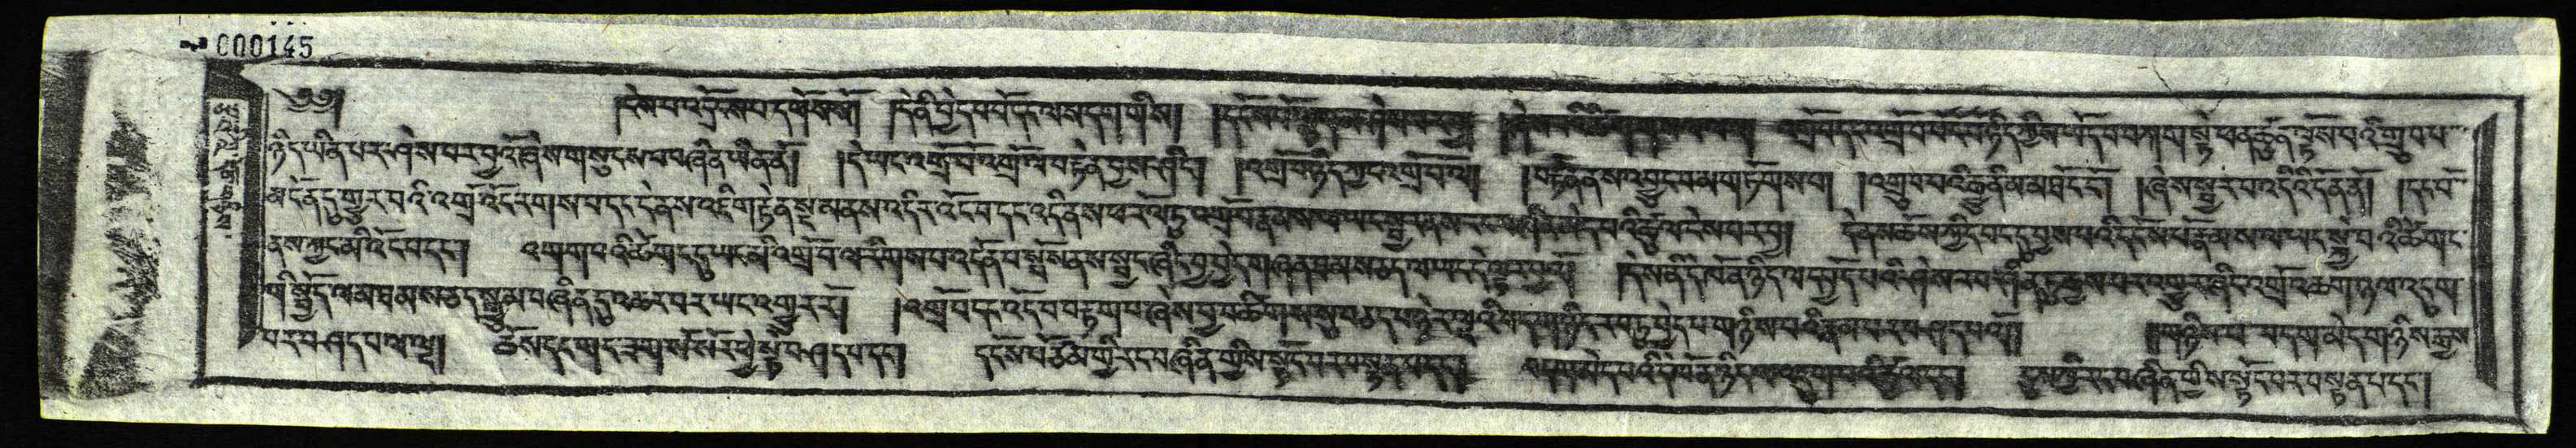༄༅། །ངེས་པ་འདྲོངས་པ་དགོས་སོ། །དེ་ནི་བྱེད་པ་པོ་དང་ལས་དག་གིས། །དངོས་པོ་ལྷག་མ་ཤེས་བར་བྱ། །ཞེས་པའི་ཚིག་གསལ་ལས། འགྲོ་བ་དང་འགྲོ་བ་པོ་ངོ་བོ་ཉིད་ཀྱིས་ཡོད་པ་བཀག་སྟེ་ཕན་ཚུན་ལྟོས་པའི་གྲུབ་པ་
ཉིད་ཡིན་པར་ཤེས་པར་བྱའོ་ཞེས་གསུངས་པ་བཞིན་ཡིན་ནོ། །དེ་ཡང་འགྲོ་བོ་འགྲོ་ལ་བརྟེན་བྱས་ཤིང་། །འགྲོ་བ་ཉིད་ཀྱང་འགྲོ་བོ་ལ། །བརྟེན་ནས་འབྱུང་བ་མ་གཏོགས་པ། །འགྲུབ་པའི་རྒྱུ་ནི་མ་མཐོང་ངོ། །ཞེས་སྦྱར་བ་འདིའི་དོན་ནོ། །དང་པོ་
མངོན་དུ་གྱུར་པའི་འགྲོ་འོང་རགས་པ་དང་དེ་ནས་འཇིག་རྟེན་སྔ་མ་ནས་འདིར་འོང་བ་དང་འདི་ནས་ཕ་རོལ་ཏུ་འགྲོ་བ་རྣམས་ལ་ཡང་སྦྱར་ནས་རང་བཞིན་མེད་པའི་ཚུལ་ངེས་པར་བྱ། དེ་ནས་ཆོས་ཀྱི་དབང་དུ་བྱས་པའི་དངོས་པོ་རྣམས་ལ་ཡང་སྐྱེ་བའི་ཚེ་གང་
ནས་ཀྱང་མི་འོང་བ་དང་། འགག་པའི་ཚེ་གང་དུ་ཡང་མི་འགྲོ་བ་ལ་རིགས་པ་འདོན་པ་སྤོས་ནས་སྦྱང་ཞིང་བྱ་བྱེད་གཞན་ཐམས་ཅད་ལ་ཡང་དེ་ལྟར་བྱའོ། །དེས་ནི་དེ་ཁོ་ན་ཉིད་ལ་དཔྱོད་པའི་ཤེས་རབ་ཤིན་ཏུ་རྒྱས་པར་འགྱུར་ཞིང་འགྲོ་འཆག་ཉལ་འདུག་
གི་སྤྱོད་ལམ་ཐམས་ཅད་སྒྱུ་མ་བཞིན་དུ་འཆར་བར་ཡང་འགྱུར་རོ། །འགྲོ་བ་དང་འོང་བ་བརྟག་པ་ཞེས་བྱ་བ་ཚིགས་སུ་བཅད་པ་ཉེར་ལྔའི་བདག་ཉིད་རབ་ཏུ་བྱེད་པ་གཉིས་པའི་རྣམ་པར་བཤད་པའོ།། །།གཉིས་པ་བདག་མེད་གཉིས་རྒྱས་
པར་བཤད་པ་ལ་ལྔ། ཆོས་དང་གང་ཟག་སོ་སོར་ཕྱེ་སྟེ་བཤད་པ་དང་། དངོས་པོ་ཙམ་གྱི་རང་བཞིན་གྱིས་སྟོང་པར་བསྟན་པ་དང་། བདག་མེད་པའི་དེ་ཁོ་ན་ཉིད་ལ་འཇུག་པའི་ཚུལ་དང་། དུས་ཀྱི་རང་བཞིན་གྱིས་སྟོང་པར་བསྟན་པ་དང་།